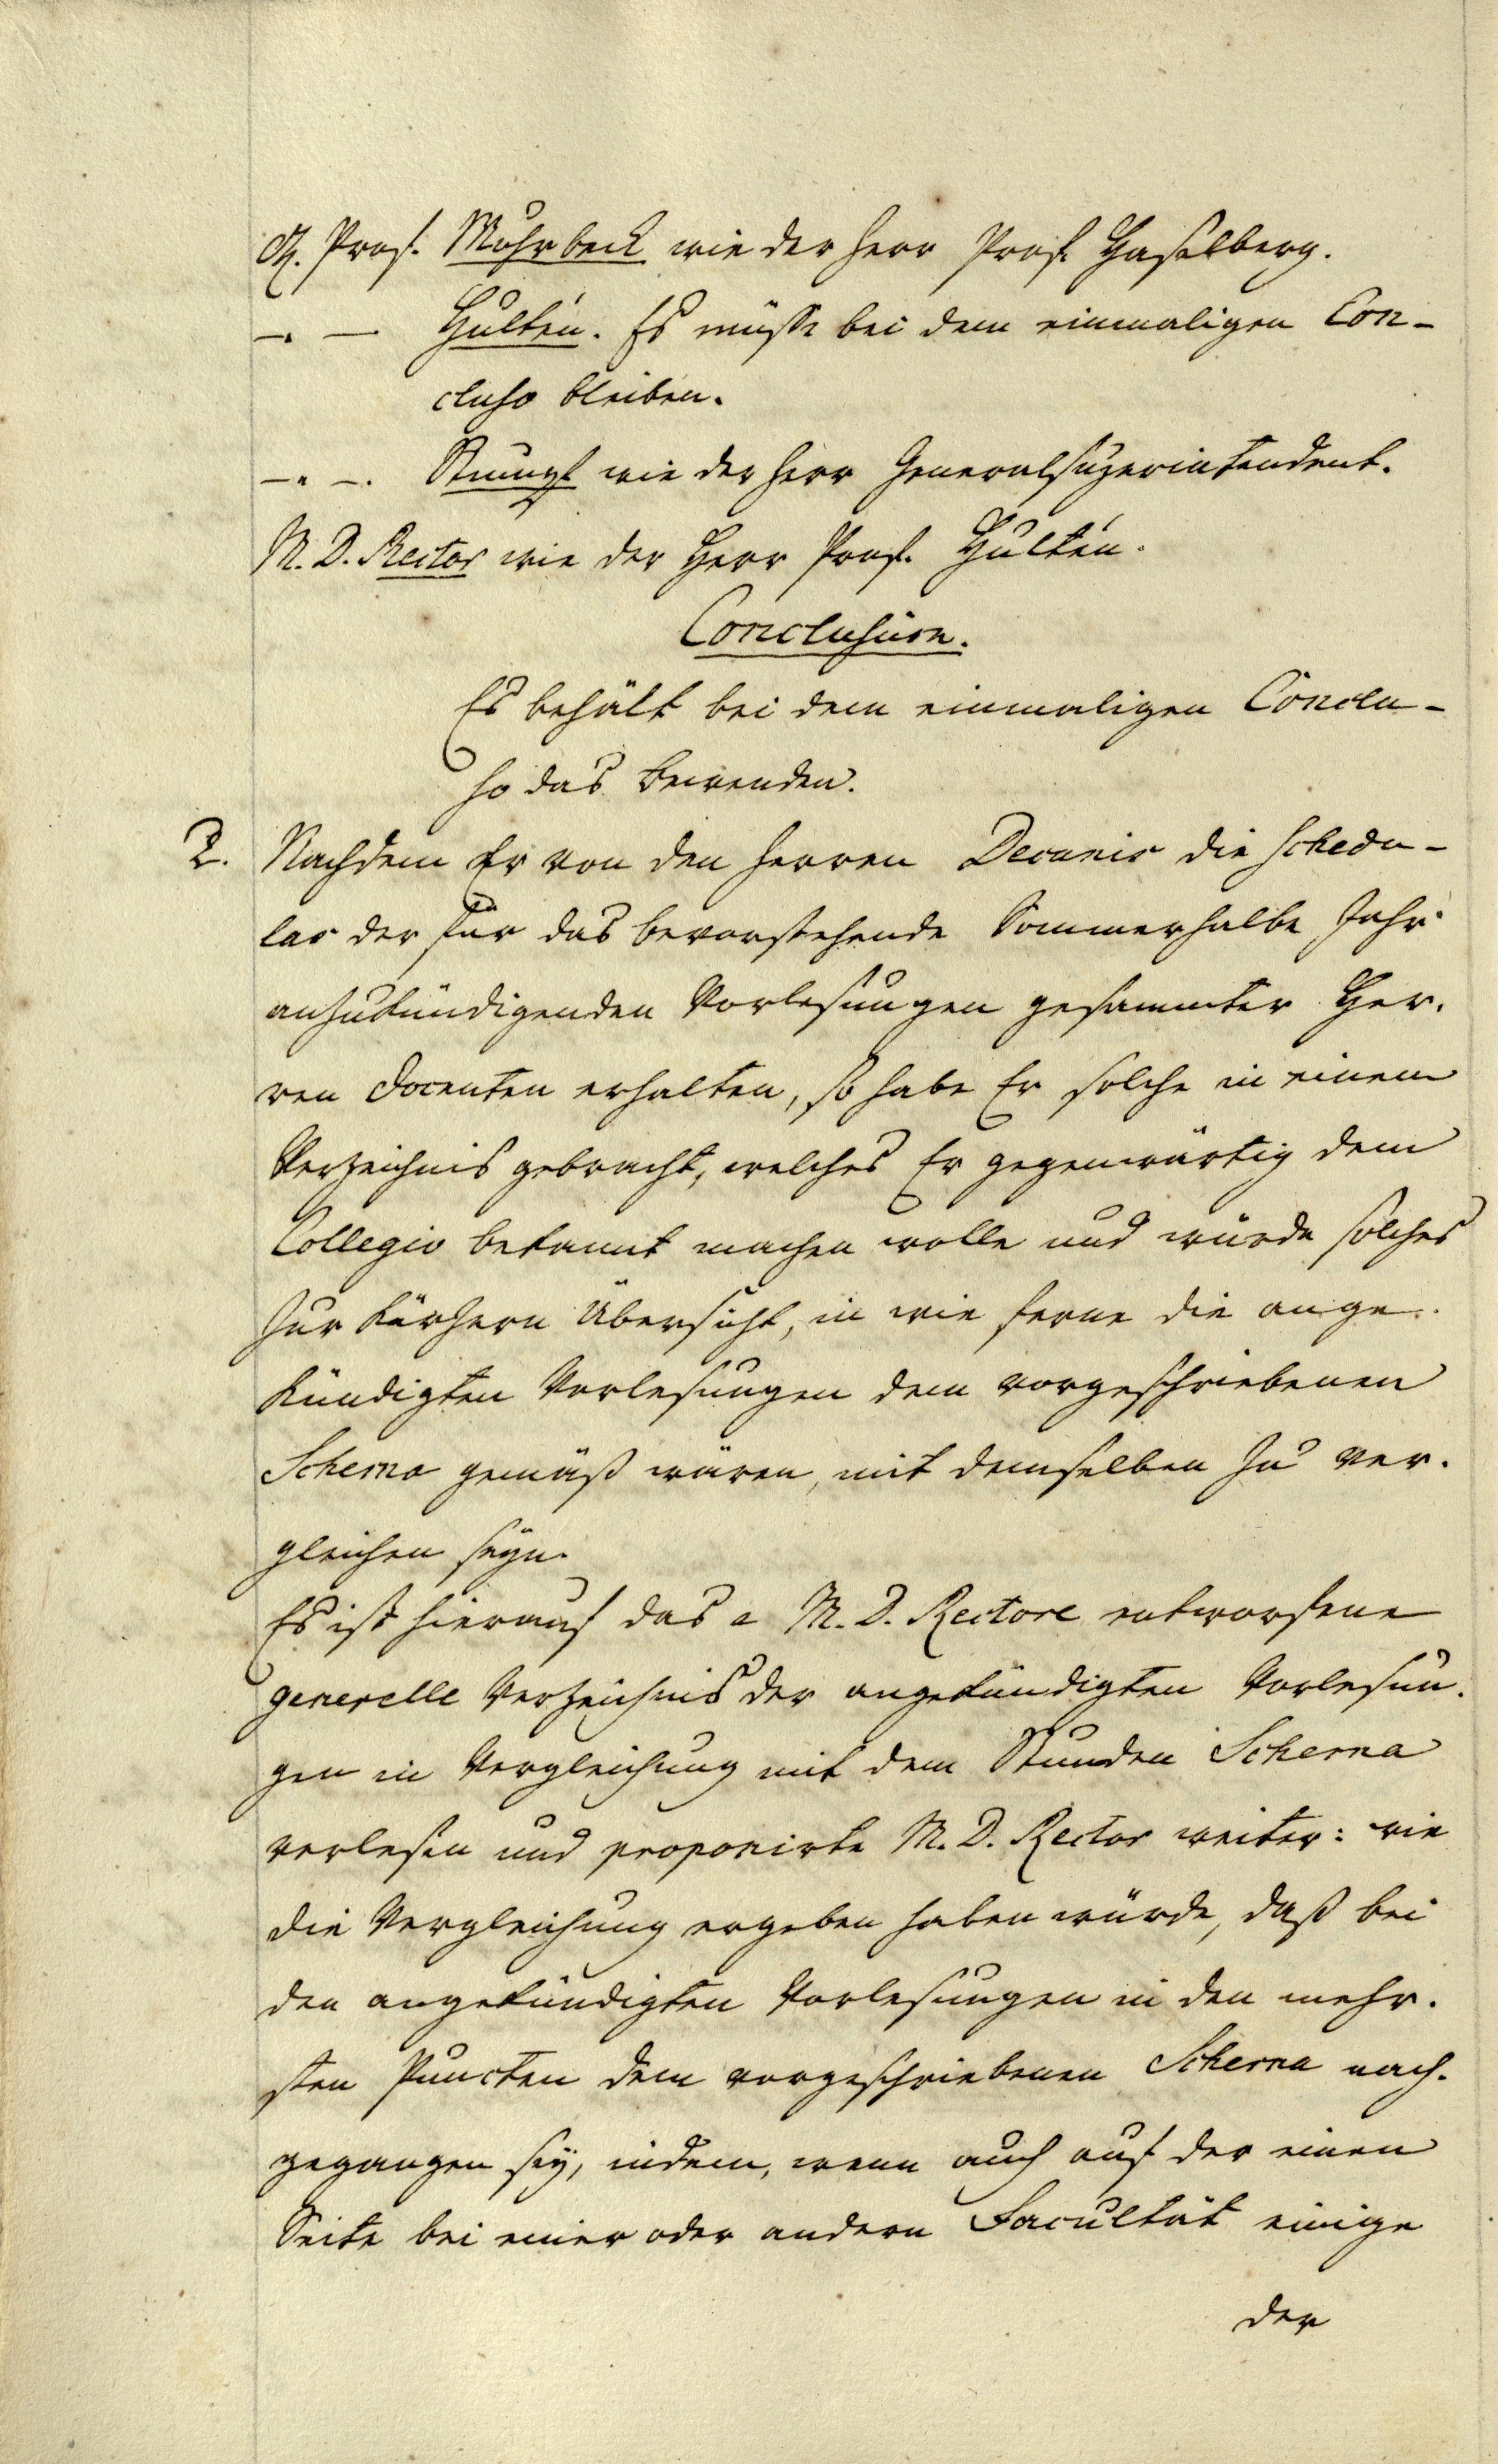dh. Prof. Muhrbeck. wie der Herr Prof. Haselberg.
Hultén. Es müsse bei dem einmaligen Con¬
cluso bleiben.
Stumpf wie der Herr Generalsuperintendent.
M. D. Rector wie der Herr Prof. Hultén.
Conclusum.
Es behält bei dem einmaligen Conclu¬
so das Bewenden.
2. Nachdem Er von den Herren Decanis die schedu¬
las der für das bevorstehende Sommerhalbe Jahr
anzukündigenden Vorlesungen gesammter Her¬
ren Docenten erhalten, so habe Er solche in einem
Verzeichnis gebracht, welches Er gegenwärtig dem
Collegio bekannt machen wolle und würde solches
zur kürzern Übersicht, in wie ferne die ange¬
kündigten Vorlesungen dem vorgeschriebenen
Schema gemäß wären, mit demselben zu ver¬
gleichen seÿn.
Es ist hierauf das a M. D. Rectore entworfene
generelle Verzeichnis der angekündigten Vorlesun¬
gen in Vergleichung mit dem Stunden Schema
verlesen und proponirte M. D. Rector weiter: wie
die Vergleichung ergeben haben würde, daß bei
den angekündigten Vorlesungen in den mehr¬
sten Puncten dem vorgeschriebenen Schema nach¬
gegangen seÿ, indem, wenn auch auf der einen
Seite bei einer oder andern Facultät einige
der